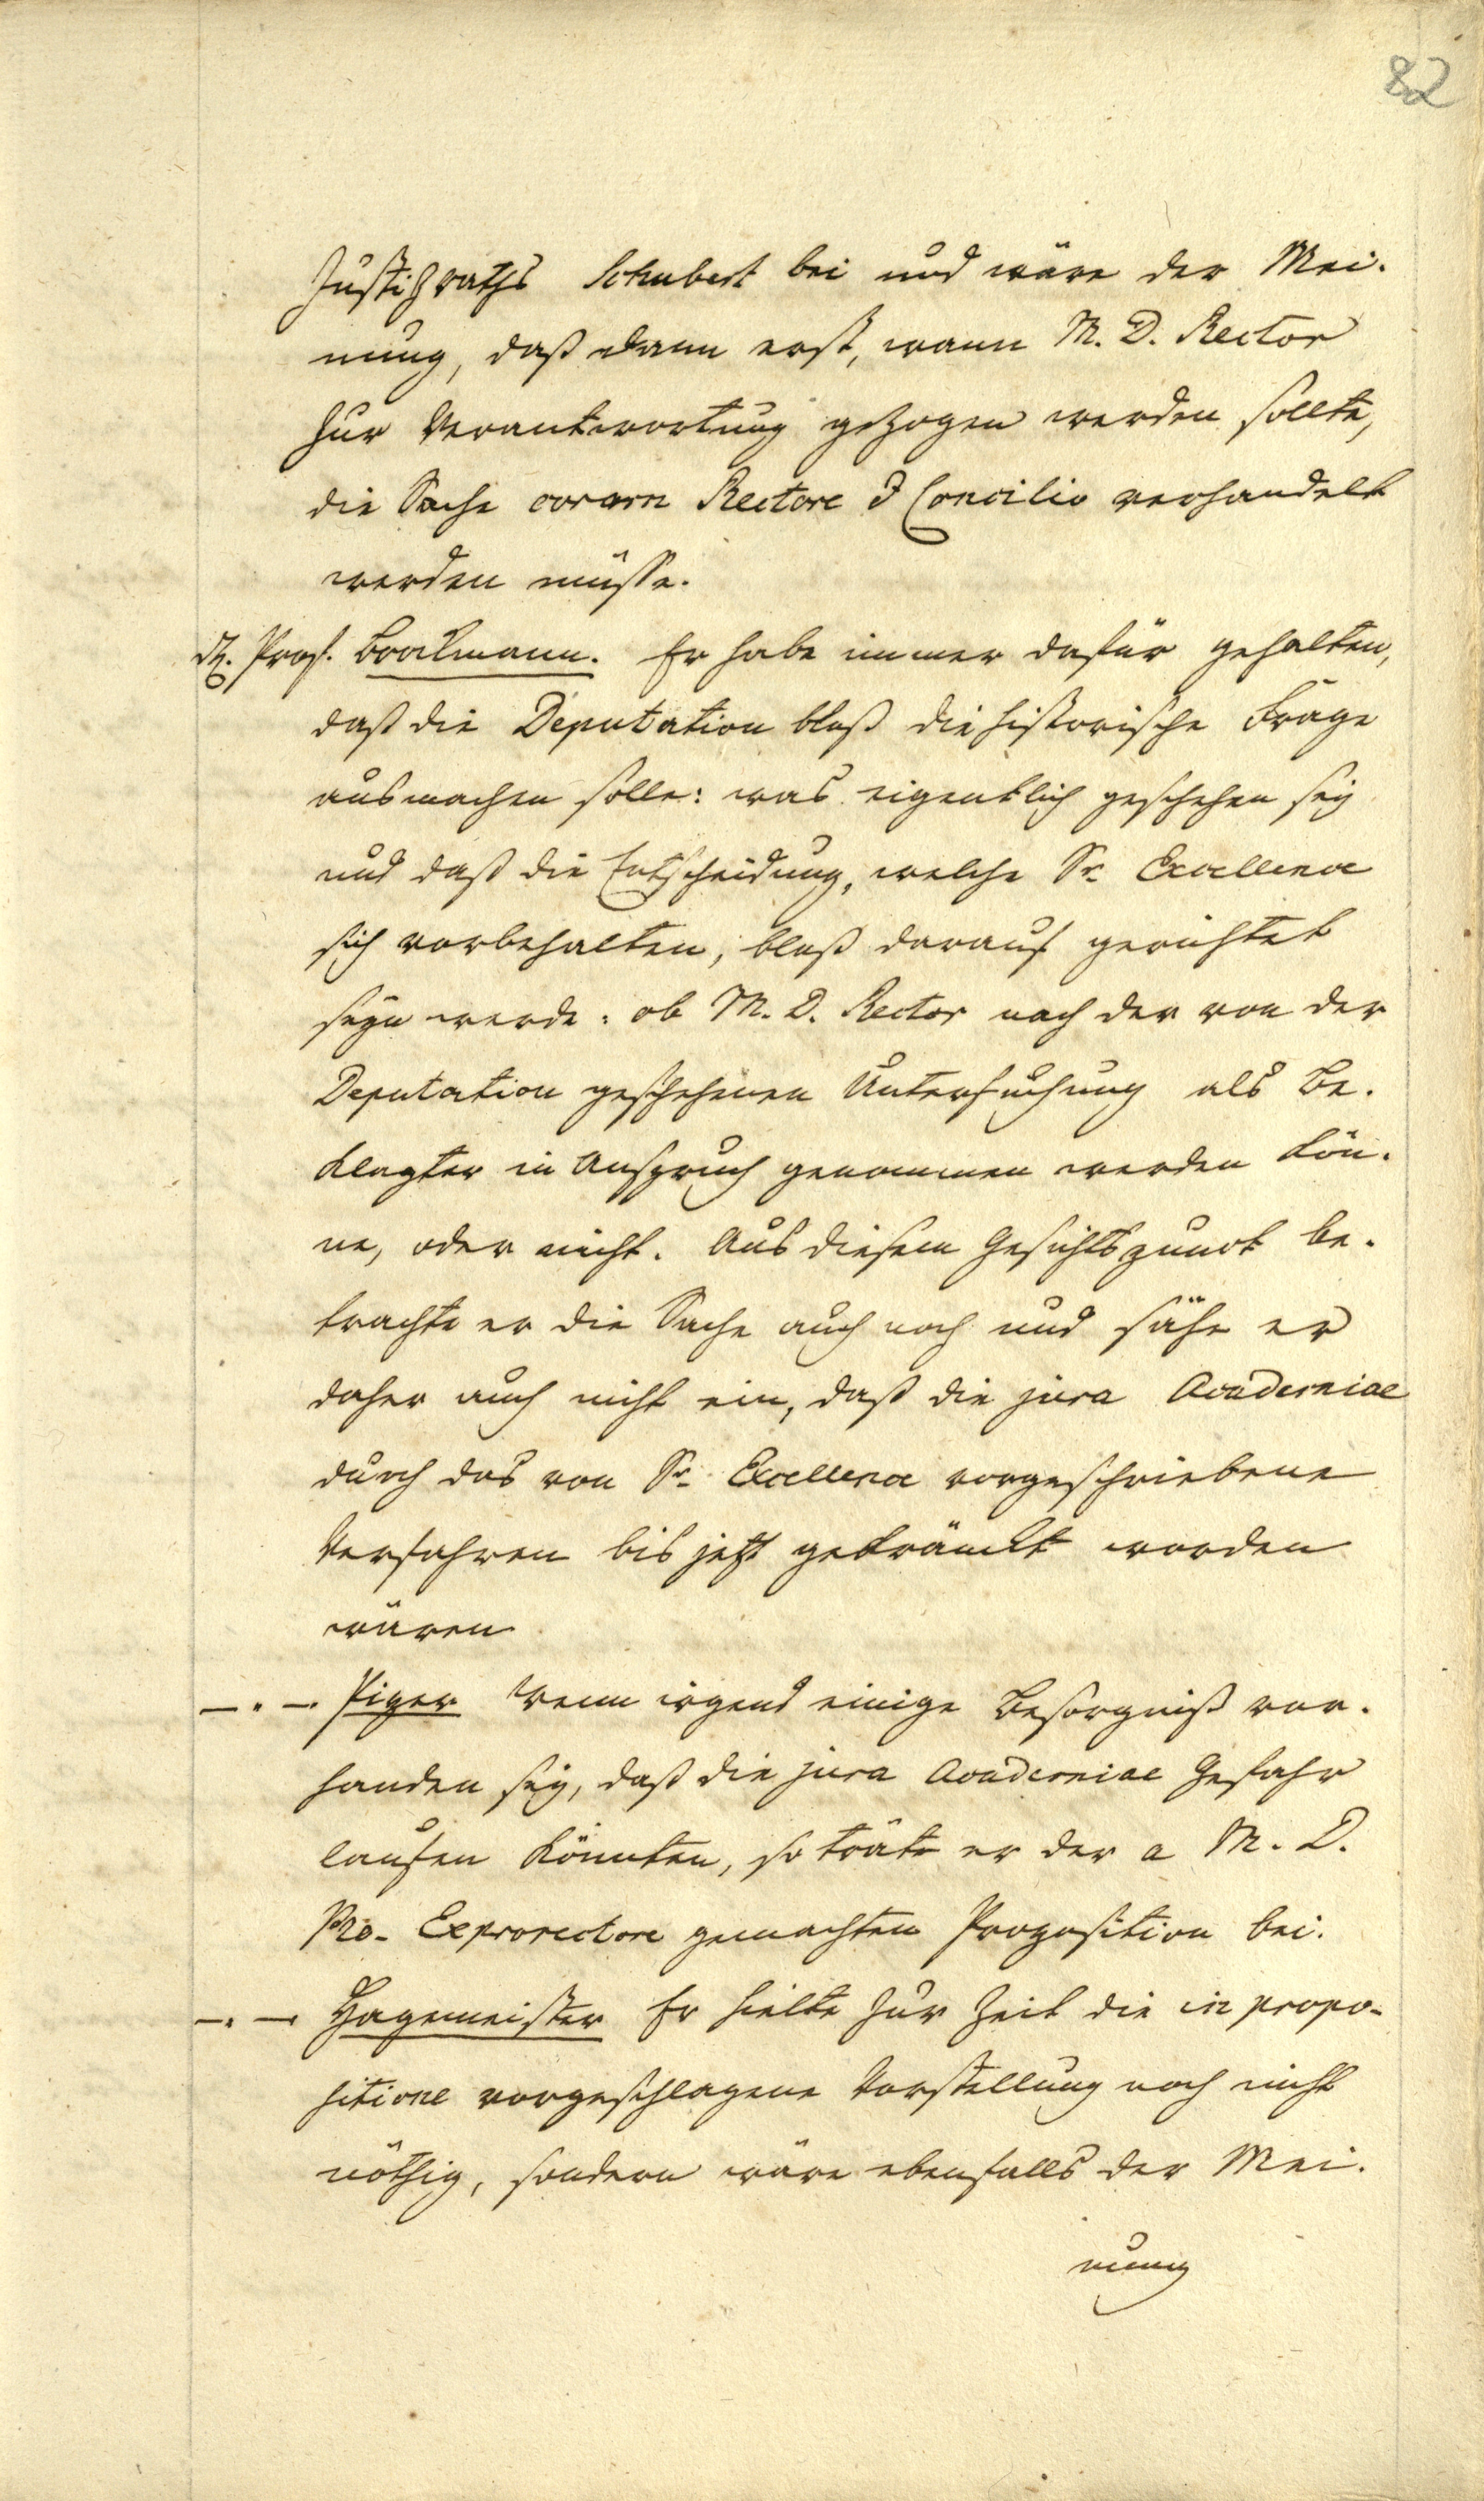Justiz raths Schubert bei und wäre der Mei¬
nung, daß dann erst, wann M. D. Rector
zur Verantwortung gezogen werden sollte,
die Sache coram Rectore et Concilio verhandelt
werden müsse.
dh. Prof. Brockmann. Er habe immer dafür gehalten,
daß die Deputation bloß die historische Frage
aus machen solle: was eigentlich geschehen seÿ
und daß die Entscheidung, welche Sr Excellence
sich vorbehalten, bloß darauf gerichtet
seÿn werde: ob M. D. Rector nach der von der
Deputation geschehenen Untersuchung als Be¬
klagter in Anspruch genommen werden kön¬
ne, oder nicht. Aus diesem Gesichtspunct be¬
trachte er die Sache auch noch und sähe er
daher auch nicht ein, daß die jura Academiae
durch das von Sr. Excellence vorgeschriebene
Verfahren bis jetzt gekränckt worden
wären.
Piper. Wenn irgend einige Besorgniß vor¬
handen seÿ, daß die jura Academiae Gefahr
laufen könnten, so träte er der a M. D.
Pro. Exprorectore gemachten Proposition bei.
Hagemeister Er hielte zur Zeit die in propo¬
sitione vorgeschlagene Vorstellung noch nicht
nöthig, sondern wäre ebenfalls der Mei¬
nung